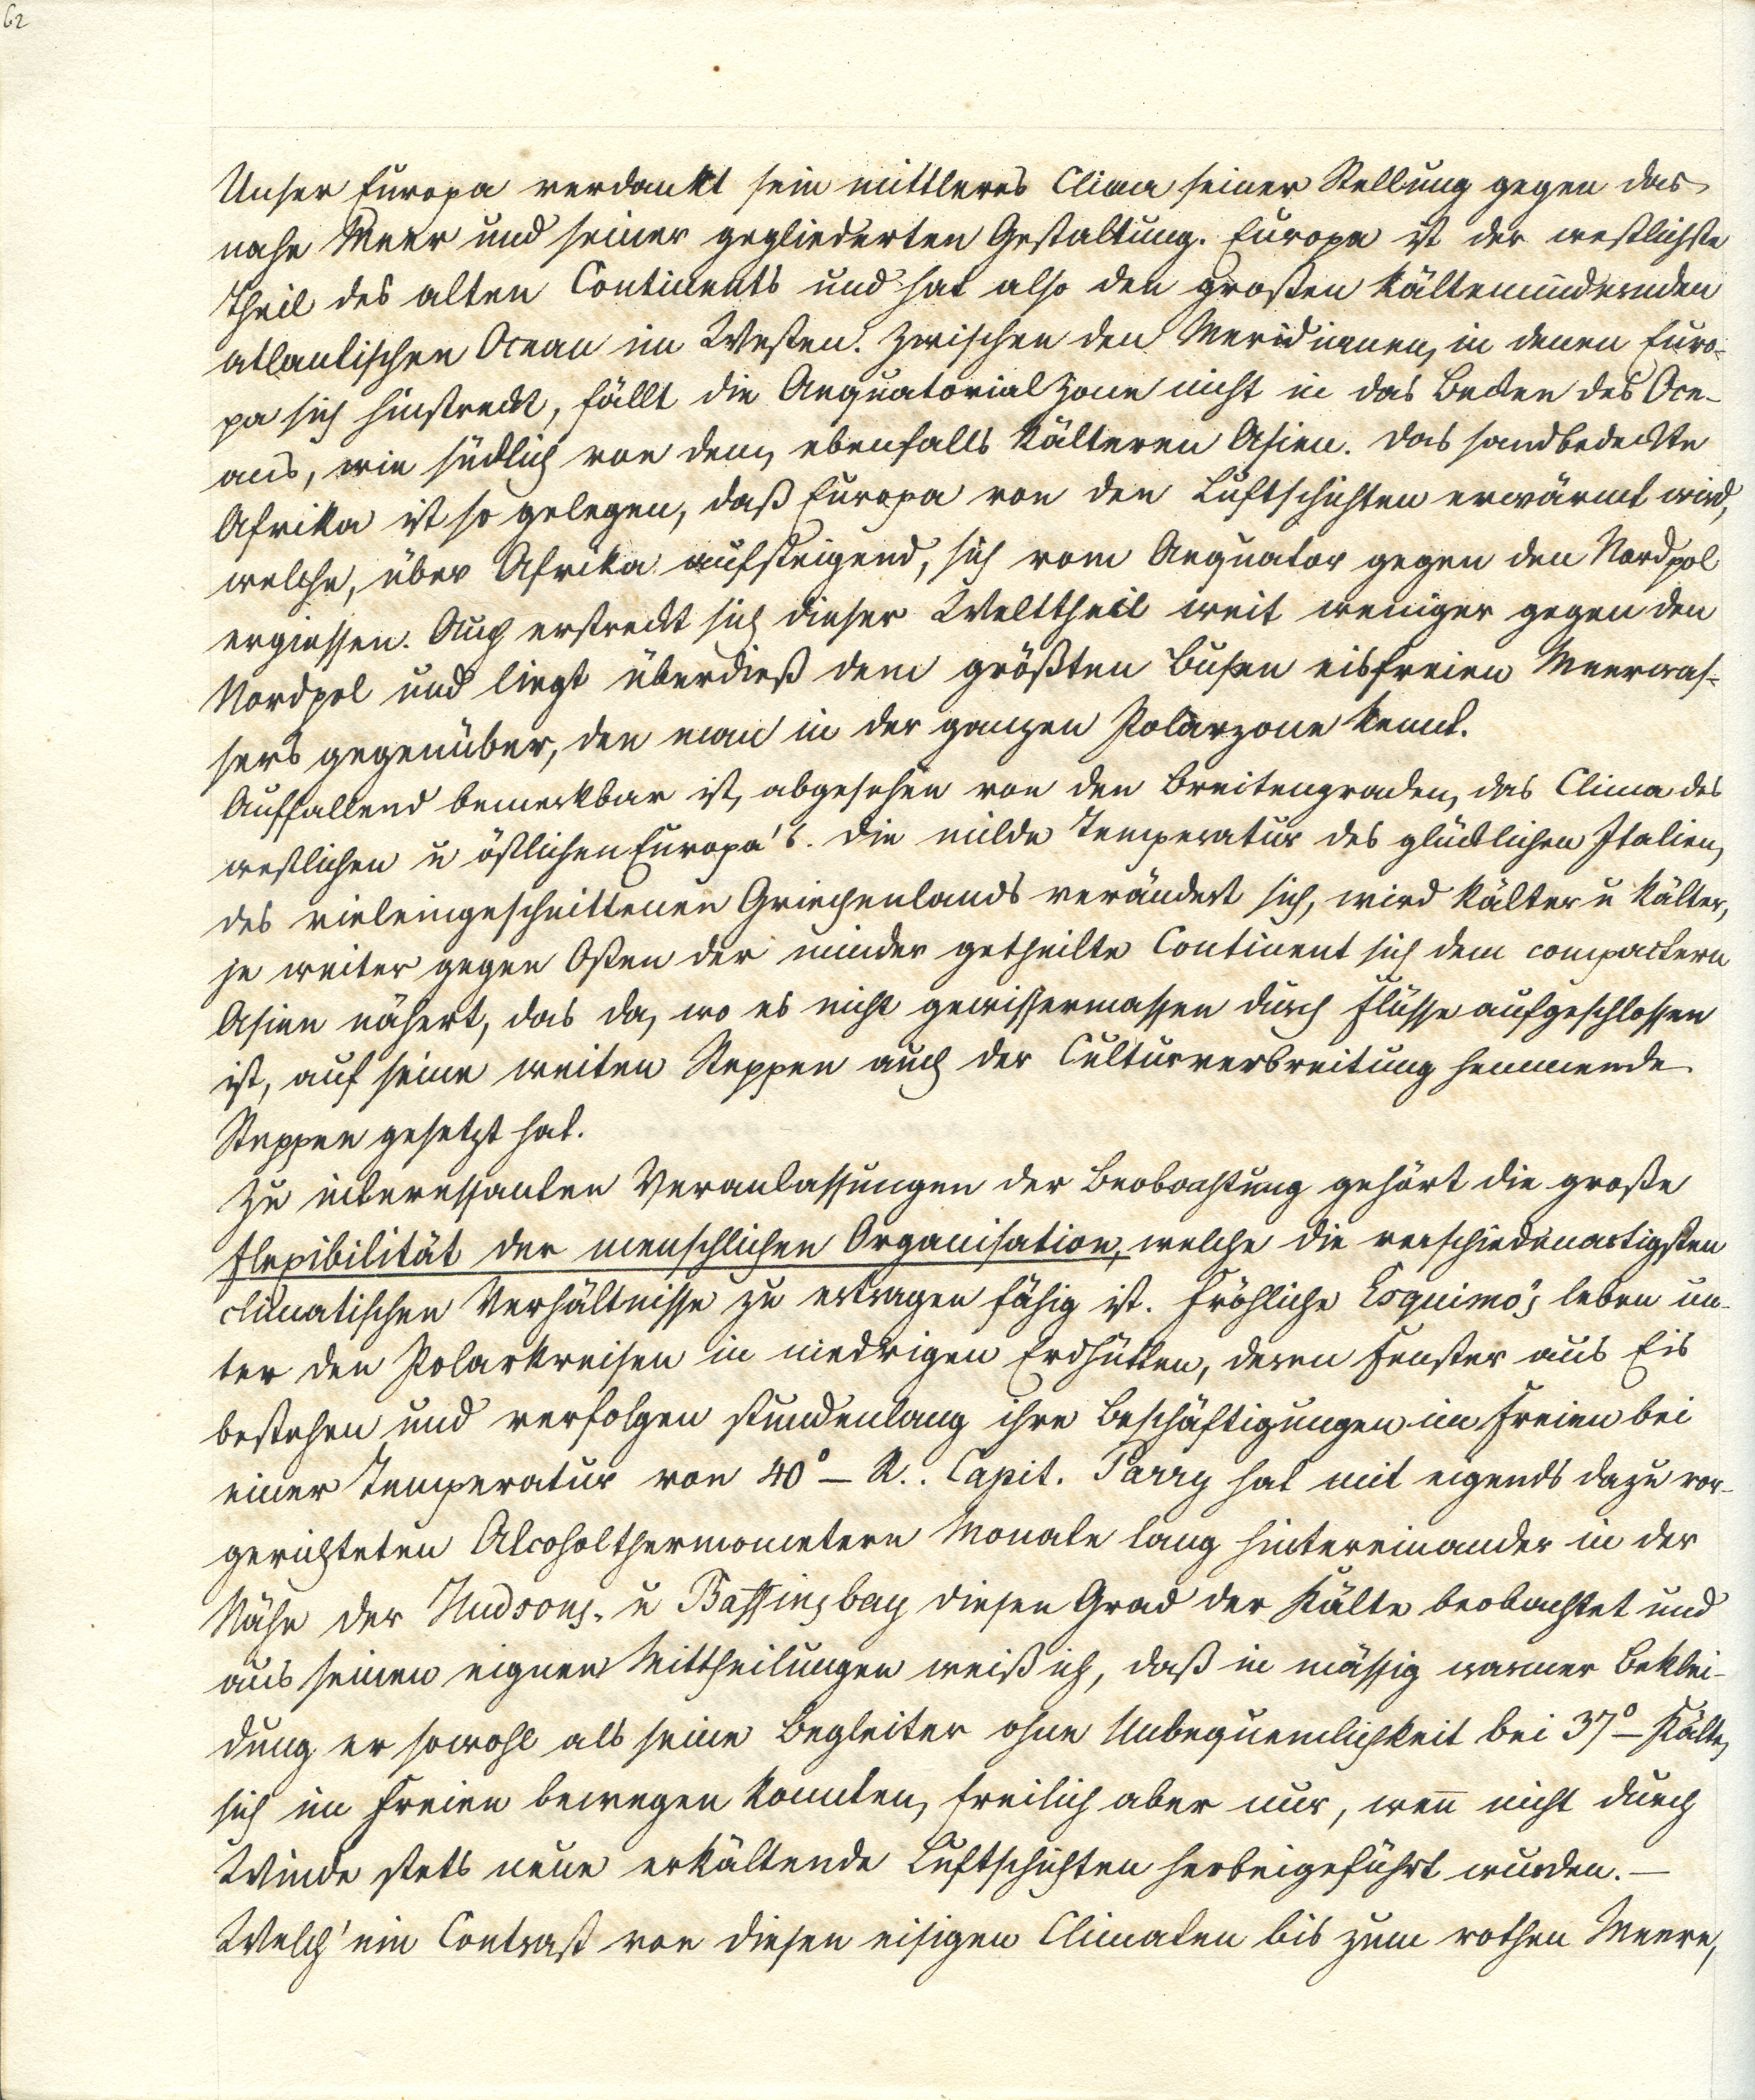Unser Europa verdankt sein mittleres Clima seiner Stellung gegen das
nahe Meer und seiner gegliederten Gestaltung. Europa ist der westlichste
Theil des alten Continents und hat also den großen kältemindernden
atlantischen Ocean im Westen. Zwischen den Meridianen, in denen Euro-
pa sich hinstreckt, fällt die AequatorialZone nicht in das Becken des Oce-
ans, wie südlich von dem, ebenfalls kälteren Asien. Das sandbedeckte
Afrika ist so gelegen, daß Europa von den Luftschichten erwärmt wird,
welche, über Afrika aufsteigend, sich vom Aequator gegen den Nordpol
ergiessen. Auch erstreckt sich dieser Welttheil weit weniger gegen den
Nordpol und liegt überdieß dem größten Busen eisfreien Meerwas-
sers gegenüber, den man in der ganzen Polarzone kennt.
Auffallend bemerkbar ist, abgesehen von den Breitengraden, das Clima des
westlichen u östlichen Europa’s. Die milde Temperatur des glücklichen Italien,
des vieleingeschnittenen Griechenlands verändert sich, wird kälter u kälter,
je weiter gegen Osten der minder getheilte Continent sich dem compactern
Asien nähert, das da, wo es nicht gewissermassen durch Flüsse aufgeschlossen
ist, auf seine weiten Steppen auch der Culturverbreitung hemmende
Steppen gesetzt hat.
Zu interessanten Veranlassungen der Beobachtung gehört die große
Flexibilität der menschlichen Organisation, welche die verschiedenartigsten
climatischen Verhältnisse zu ertragen fähig ist. Fröhliche Esquimo’s leben un-
ter den Polarkreisen in niedrigen Erdhütten, deren Fenster aus Eis
bestehen und verfolgen stundenlang ihre Beschäftigungen im Freien bei
einer Temperatur von 40°− R. Capit. Parry hat mit eigends dazu vor-
gerichteten Alcoholthermometern Monate lang hintereinander in der
Nähe der Hudsons- u Baffinsbay diesen Grad der Kälte beobachtet und
aus seinen eignen Mittheilungen weiß ich, daß in mässig warmer Beklei-
dung er sowohl als seine Begleiter ohne Unbequemlichkeit bei 37°− Kälte,
sich im Freien bewegen konnten, freilich aber nur weñ nicht durch
Winde stets neue erkältende Luftschichten herbeigeführt wurden. –
Welch’ ein Contrast von diesen eisigen Climaten bis zum rothen Meere,